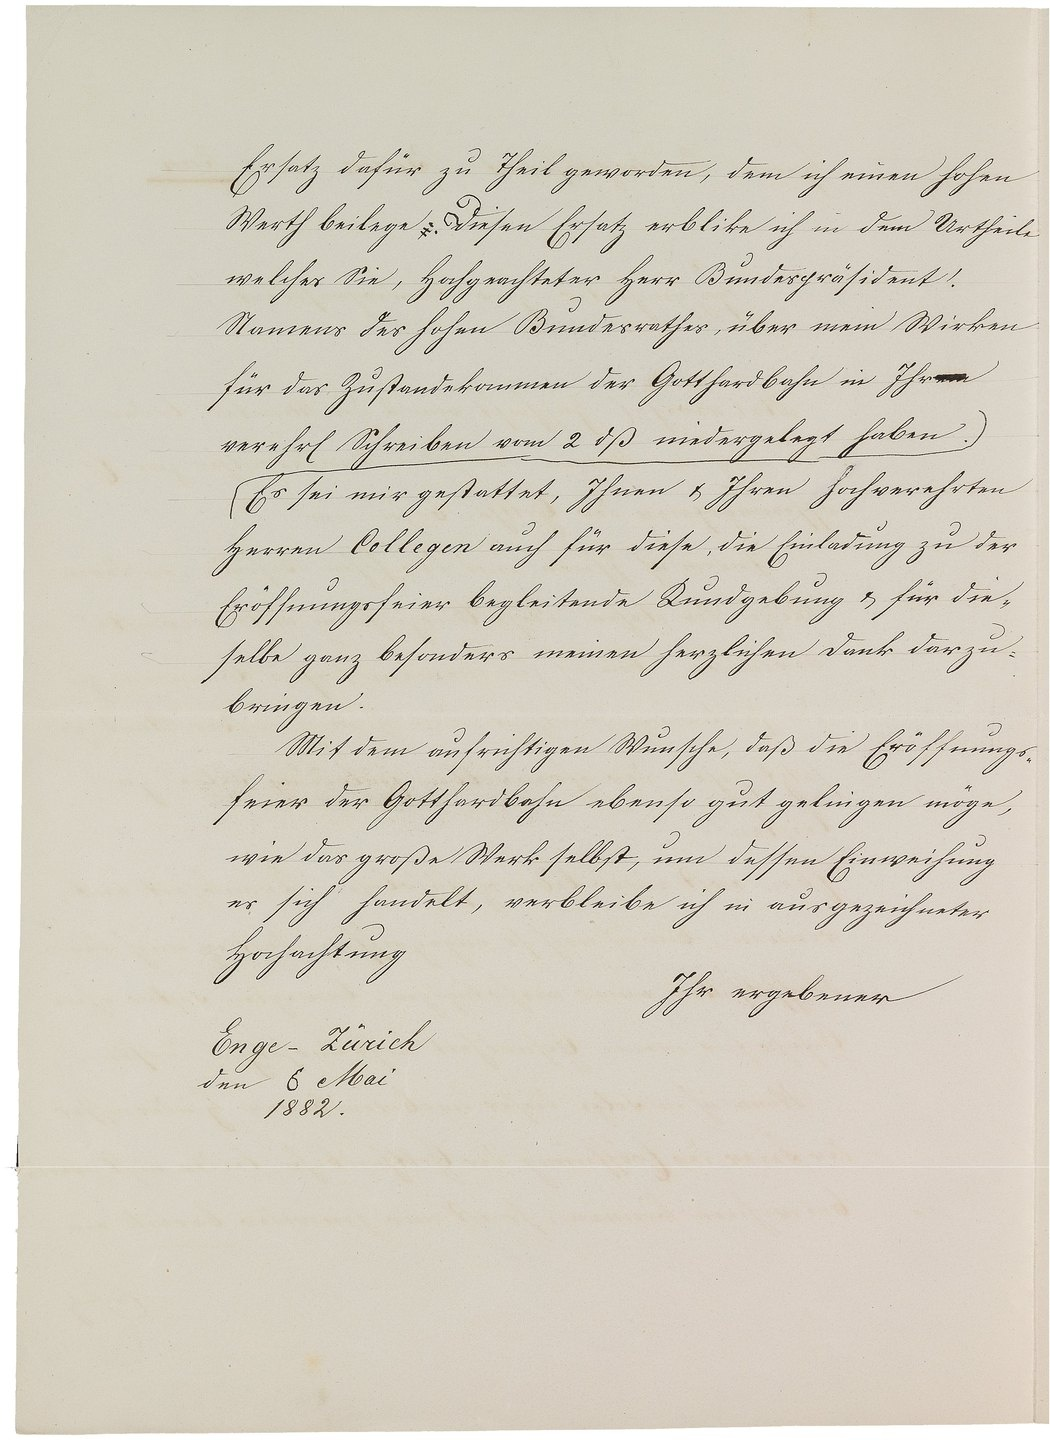Ersatz dafür zu Theil geworden, dem ich einen hohen
Werth beilege. Diesen Ersatz erblike ich in dem Urtheile
welches Sie, Hochgeachteter Herr Bundespräsident!
Namens des hohen Bundesrathes, über mein Wirken
für das Zustandekommen der Gotthardbahn in Ihrem
verehrlichen Schreiben vom 2 dß niedergelegt haben.
Es sei mir gestattet, Ihnen & Ihren hochverehrten
Herren Collegen auch für diese, die Einladung zu der
Eröffnungsfeier begleitende Kundgebung & für die-
selbe ganz besonders meinen herzlichen Dank darzu-
bringen.
Mit dem aufrichtigen Wunsche, daß die Eröffnungs-
feier der Gotthardbahn ebenso gut gelingen möge,
wie das große Werk selbst, um dessen Einweihung
es sich handelt, verbleibe ich in ausgezeichneter
Hochachtung
Ihr ergebener
Enge-Zürich
den 6 Mai
1882.